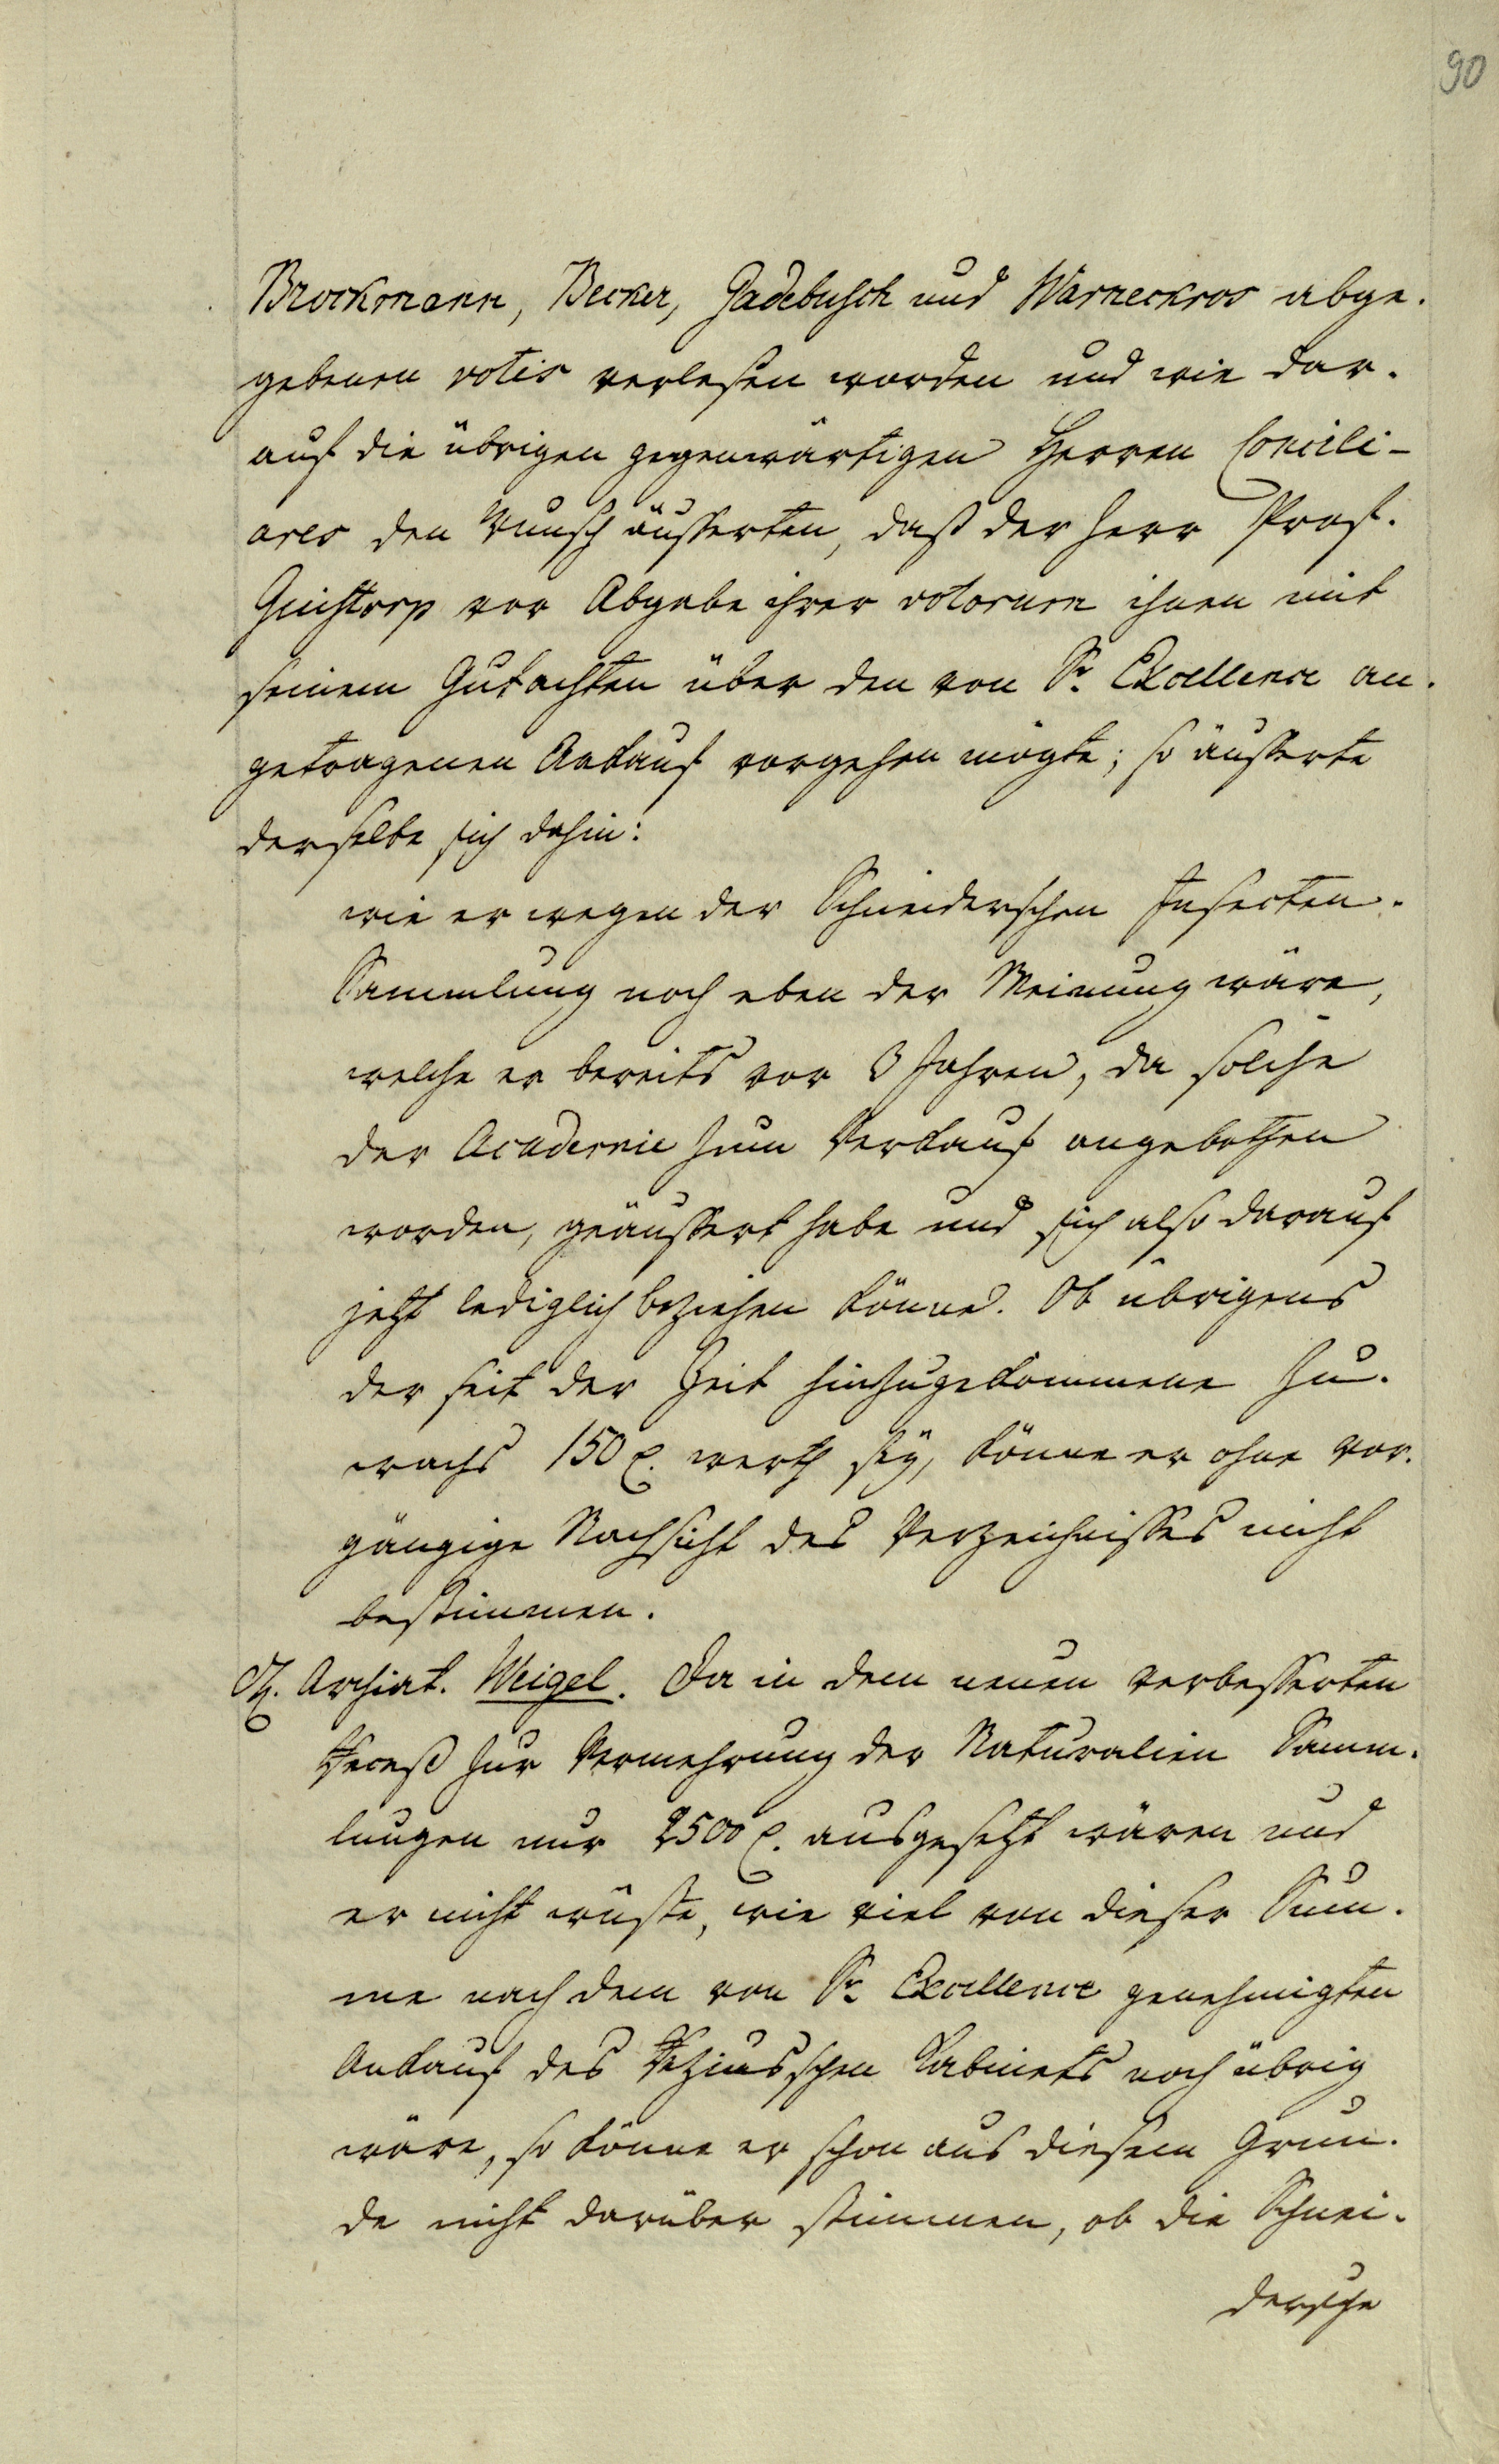Brockmann, Becker, Gadebusch und Warneckros abge¬
gebenen votis verlesen worden und wie dar¬
auf die übrigen gegenwärtigen Herren Concili¬
ares den Wunsch äusserten, daß der Herr Prof.
Quistorp vor Abgabe ihrer votorum ihnen mit
seinem Gutachten über den von Sr Excellence an¬
getragenen Ankauf vorgehen mögte; so äusserte
derselbe sich dahin:
wie er wegen der Schneiderschen Insecten¬
Sammlung noch eben der Meinung wäre,
welche er bereits vor 3 Jahren, da solche
der Academie zum Verkauf angebothen
worden, geäussert habe und sich also darauf
jetzt lediglich beziehen könne. Ob übrigens
der seit der Zeit hinzugekommene Zu¬
wachs 150 l. werth seÿ, könne er ohne vor¬
gängige Nachsicht des Verzeichnisses nicht
bestimmen.
dh. Archiat. Weigel. Da in dem neuen verbesserten
Receß zur Vermehrung der Naturalien Samm¬
lungen nur 2500 l. ausgesetzt wären und
er nicht wüßte, wie viel von dieser Sum¬
me nach dem von Sr Excellence genehmigten
Ankauf des Reziusschen Kabinets noch übrig
wäre, so könne er schon aus diesem Grun¬
de nicht darüber stimmen, ob die Schnei¬
dersche